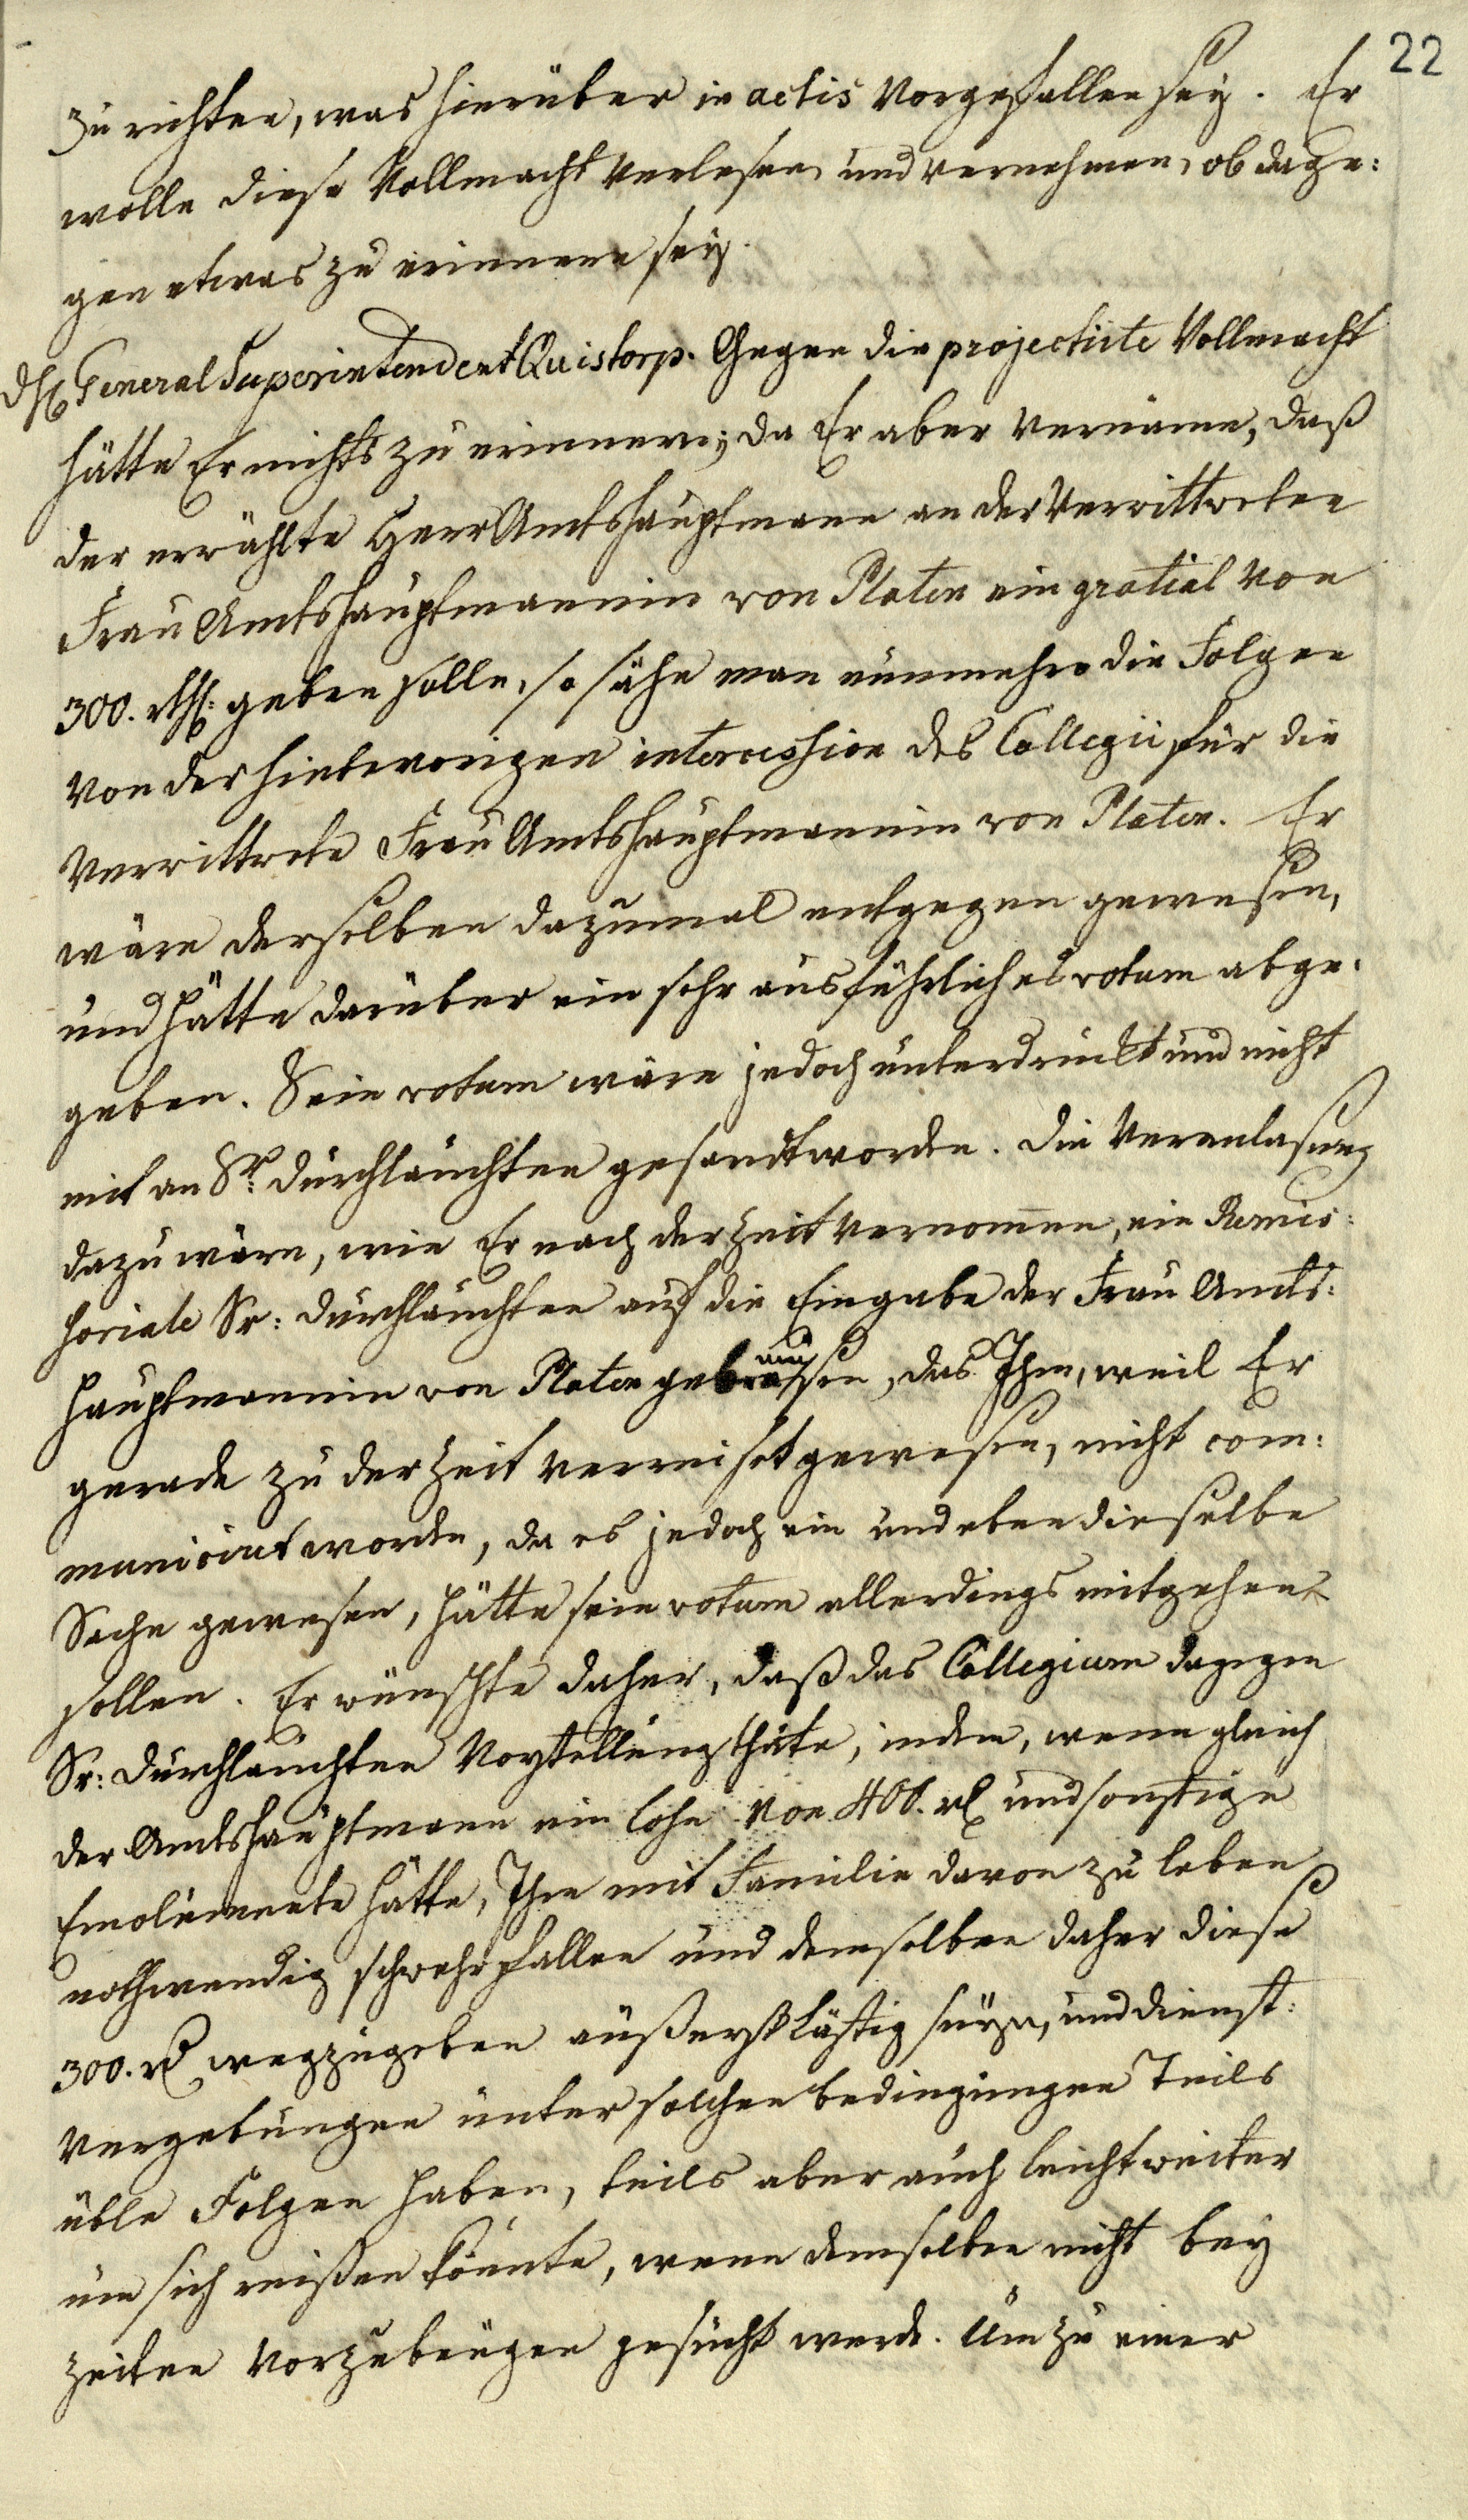zu richten, was hierüber in actis vorgefallen seÿ. Er
wolle diese Vollmacht verlesen, und vernehmen, ob dage¬
gen etwas zu erinnern seÿ.
dh Generalsuperintendent Quistorp. Gegen die projectirte Vollmacht
hätte Er nichts zu erinnern; da Er aber vernäme, daß
der erwählte Herr Amtshauptmann an der verwittweten
Frau Anmtshauptmannin von Platen ein gratial von
300. rthl. geben solle, so sähe man nunmehro die Folgen
von der hiebevorigen intercession des Collegii für die
verwittwete Frau Amtshauptmannin von Platen. Er
wäre derselben dazumal entgegen gewesen,
und hätte darüber ein sehr ausführliches votum abge¬
geben. Sein votum wäre jedoch unterdrückt und nicht
mit an Sr Durchlauchten gesandtworden. Die Veranlaßung
dazu wäre, wie Er nach der Zeit vernommen, ein Remis¬
soriale Sr. Durchlauchten auf die Eingabe der Frau Amts¬
hauptmannin von Platen gebrassen, das Ihm, weil Er
gerade zu der Zeit verreiset gewesen, nicht com¬
municiret worden, da es jedoch ein und eben dieselbe
Sache gewesen, hätte sein votum allerdings mitgehen
sollen. Er wünschte daher, daß das Collegium dagegen
Sr. Durchlauchten Vorstellung thäte, indem, wenn gleich
der Amtshauptmann ein Lohn. von 400. rl. und sonstige
Emolumente hätte, Ihm mit Familie davon zu leben
nothwendig schwehr fallen und demselben daher diese
300. rl wegzugeben äußerst lästig seÿn, und Dienst¬
vergütungen unter solchen Bedingungen Teils
üble Folgen haben, theils aber auch leicht weiter
um sich reißen könnte, wenn demselben nicht beÿ
Zeiten vorzubeugen gesucht werde. Um zu einer